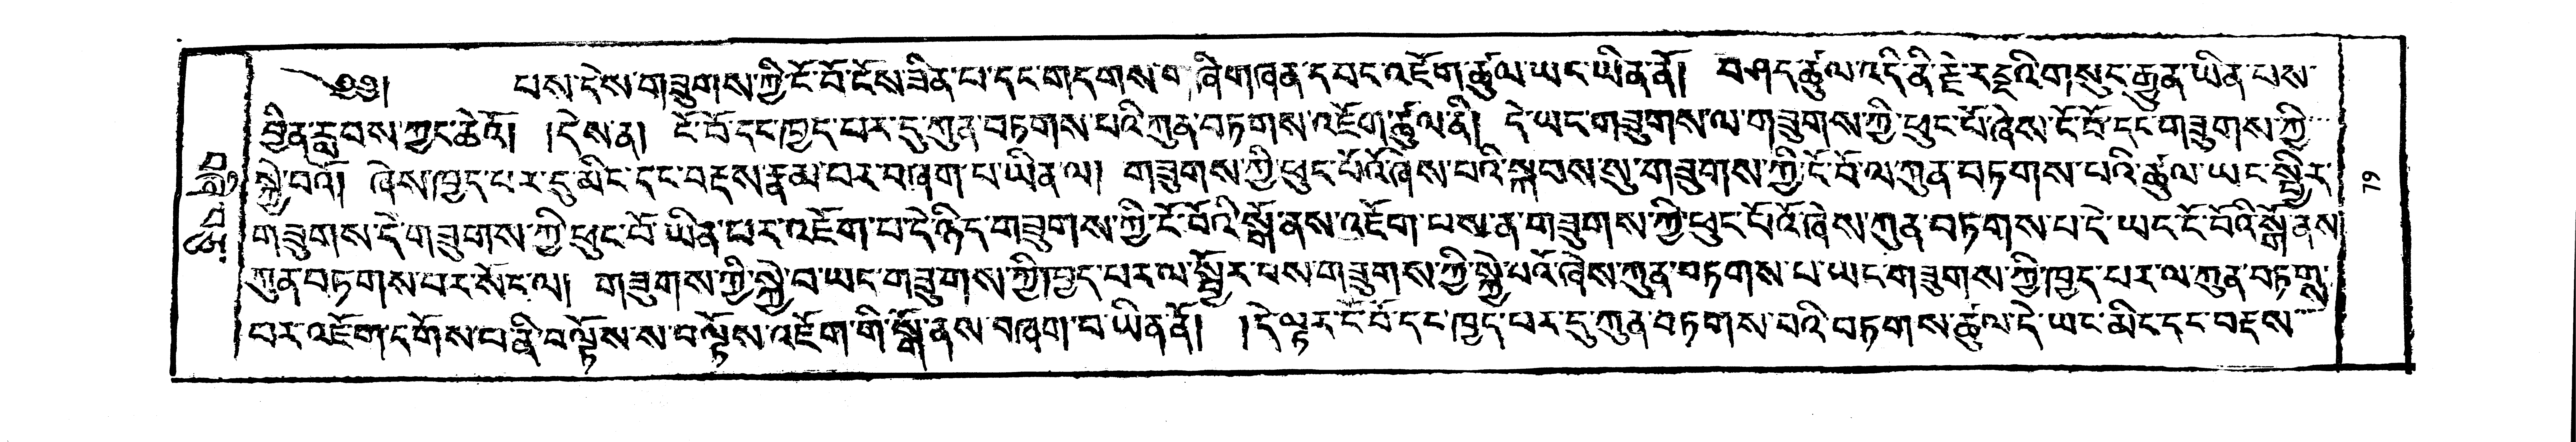༄༅། །པས་དེས་གཟུགས་ཀྱི་ངོ་བོ་ངོས་ཟིན་པ་དང་གདགས་གཞི་གཞན་དབང་འཇོག་ཚུལ་ཡང་ཡིན་ནོ། བཤད་ཚུལ་འདི་ནི་རྗེ་རང་ངའི་གསུང་རྒྱུན་ཡིན་པས་
བྱིན་རླབས་ཀྱང་ཆེའོ། །དེས་ན། ངོ་བོ་དང་ཁྱད་པར་དུ་ཀུན་བཏགས་པའི་ཀུན་བཏགས་འཇོག་ཚུལ་ནི། དེ་ཡང་གཟུགས་ལ་གཟུགས་ཀྱི་ཕུང་པོ་ཞེས་ངོ་བོ་དང་གཟུགས་ཀྱི་
སྐྱེ་བའོ། ཞེས་ཁྱད་པར་དུ་མིང་དང་བརྡས་རྣམ་པར་བཞག་པ་ཡིན་ལ། གཟུགས་ཀྱི་ཕུང་པོའོ་ཞེས་པའི་སྐབས་སུ་གཟུགས་ཀྱི་ངོ་བོ་ལ་ཀུན་བཏགས་པའི་ཚུལ་ཡང་སྤྱིར་
གཟུགས་དེ་གཟུགས་ཀྱི་ཕུང་པོ་ཡིན་པར་འཇོག་པ་དེ་ཉིད་གཟུགས་ཀྱི་ངོ་བོའི་སྒོ་ནས་འཇོག་པས་ན་གཟུགས་ཀྱི་ཕུང་པོའོ་ཞེས་ཀུན་བཏགས་པ་དེ་ཡང་ངོ་བོའི་སྒོ་ནས་
ཀུན་བཏགས་པར་སོང་ལ། གཟུགས་ཀྱི་སྐྱེ་བ་ཡང་གཟུགས་ཀྱི་ཁྱད་པར་ལ་སྦྱོར་བས་གཟུགས་ཀྱི་སྐྱེ་པའོ་ཞེས་ཀུན་བཏགས་པ་ཡང་གཟུགས་ཀྱི་ཁྱད་པར་ལ་ཀུན་བཏགས་
བར་འཇོག་དགོས་པ་ནི་བལྟོས་ས་བལྟོས་འཇོག་གི་སྒོ་ནས་བཞག་པ་ཡིན་ནོ། །དེ་ལྟར་ངོ་བོ་དང་ཁྱད་པར་དུ་ཀུན་བཏགས་པའི་བཏགས་ཚུལ་དེ་ཡང་མིང་དང་བརྡས་